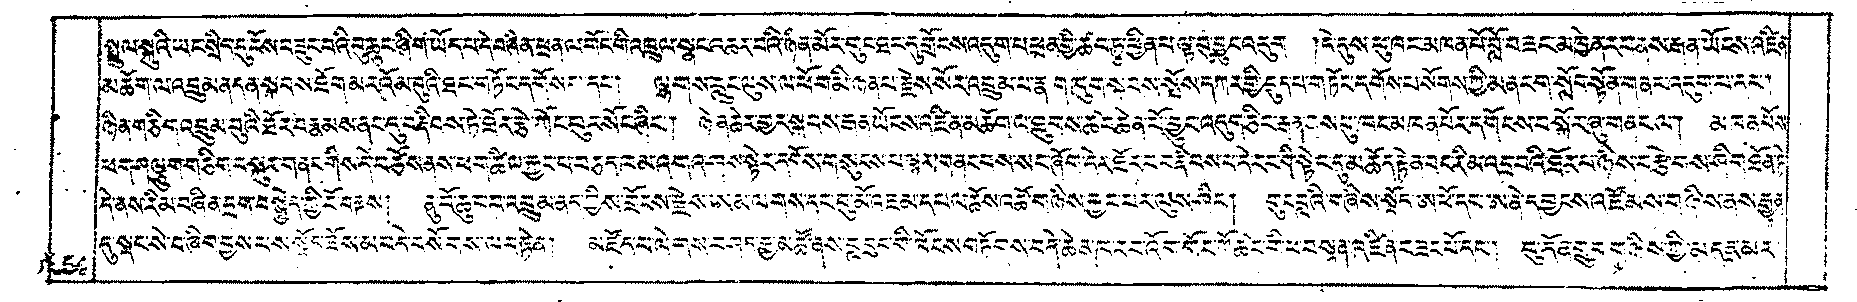སྤྲུལ་སྐུའི་ཡང་སྲིད་དུ་ངོས་བཟུང་བའི་བུ་ཆུང་ཞིག་ཡོད་པ་དེ་བཞིན་ཕྲན་ལ་གོང་གི་འཁྲུལ་སྣང་འཆར་བའི་ཉིན་མོར་གུང་ཐང་དུ་གྲོངས་འདུག་པ་ཕྲན་གྱི་ཚབ་ཏུ་ཕྱིན་པ་ལྟ་བུ་བྱུང་འདུག །དེ་དུས་ཕུ་ཁང་མཁན་པོ་བློ་བཟང་མཁྱེན་རབ་ནས་རྒན་ཡོངས་འཛིན་
མཆོག་ལ་འབྲུམ་ནད་ན་སྐབས་ཐོག་མར་འོམ་བུའི་ཐང་གཏོང་དགོས་པ་དང་། ལྷགས་རླུང་ལུས་ལ་ཕོག་མི་ཉན་པ་རྗེས་སོར་འབྲུམ་པ་རྣག་ཁུག་སྐབས་སྤོས་དཀར་གྱི་དུད་པ་གཏོང་དགོས་པ་སོགས་ཀྱི་མན་ངག་སློབ་སྟོན་གནང་འདུག་པ་དང་།
ཉིན་གཅིག་འབྲུམ་བུའི་ཐོར་པ་རྣམས་ནང་དུ་བརྡིབས་ཏེ་ཐོར་རྩེ་ཀོང་བུར་སོང་ཞིང་། ཉེན་ཆེར་གྱར་སྐབས་རྒན་ཡོངས་འཛིན་མཆོག་ལ་ཐུགས་ཚབ་ཆེན་པོ་བྱུང་འདུག་ཅིང་རྒན་ནས་ཕུ་ཁང་མཁན་པོར་དགོངས་བསྐོར་ཞུ་གནང་ལ། མཁན་པོས་
ཕག་ཤ་ལྕུག་གཅིག་བསྐུར་གནང་གིས་དེ་བཙོས་ནས་ཕག་ཚིལ་རྐྱང་པ་བཅད་ཁམ་འགའ་ཤས་སྟེར་དགོས་གསུངས་པ་ལྟར། གནང་བས་སང་ཞོག་དེར་ཐོར་པ་བརྡིབས་པ་དེ་རང་གི་སྟེང་དུ་མཆོད་རྟེན་བང་རིམ་འདྲ་བའི་ཐོར་པ་ཉིས་བརྩེགས་ཤིག་ཐོན་ཏེ་
དེ་ནས་རིམ་བཞིན་དྲག་བསྐྱེད་ཀྱི་ངོ་བརྟས། ནུ་བོ་ཆུང་བ་འབྲུམ་ནད་ཀྱིས་གྲོངས་རྗེས་ཨ་མ་ལགས་དང་བུ་མོ་འཇམ་དཔལ་ཆོས་འཚོ་གཉིས་རྐྱང་པར་ལུས་ཤིང་། གུང་བླའི་གཞིས་སྡོད་ཨ་ཕོ་དང་ཨ་ནེ་དབྱངས་འཛོམས་གཉིས་ནས་རྒྱུན་
དུ་སྡང་སེ་བ་ཞིག་བྱས་པས་སྡོད་ཟོས་མ་བདེ་བ་སོགས་ལ་བརྟེན། མཛོད་པ་ལེགས་བཤད་རྒྱ་མཚོ་ནས་བླ་བྲང་གི་ཁོངས་གཏོགས་བདེ་ཆེན་ཁ་རབ་འོག་གོང་ཀོ་ཚང་གི་ཕ་བསྟན་འཛིན་བཟང་པོ་དང་། བུ་དོན་གྲུབ་གཉིས་ཀྱི་མདུན་མར་